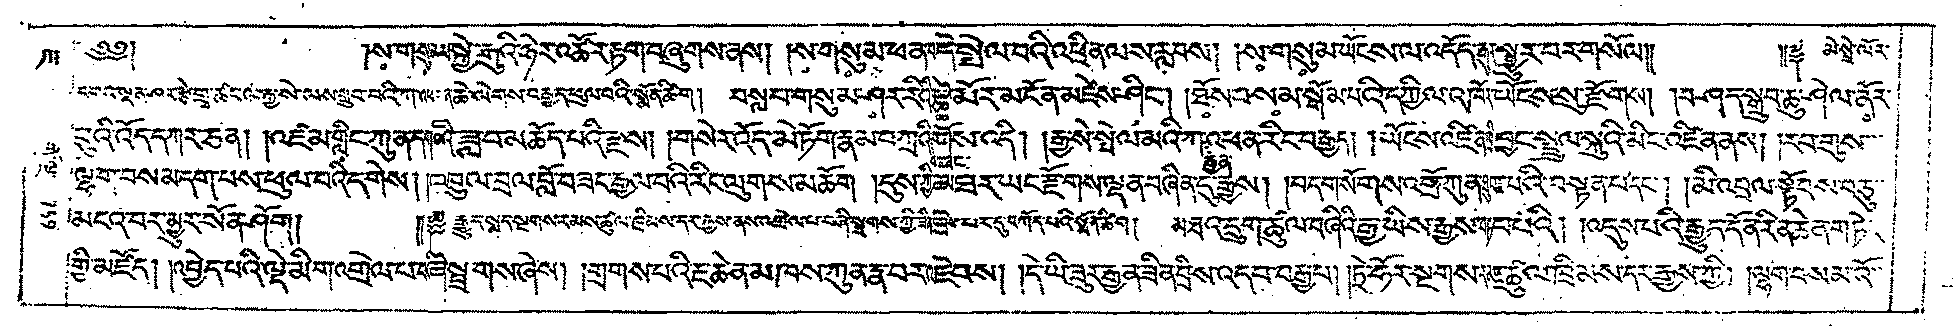༄༅། །ས྾་གསུམ྾་སྐྱེ་རྒུའི་ཉེར་འཚོར་རྟག་བཞུགས་ནས། །ས྾་གསུམ྾་ཕན་བདེ་སྤེལ་བའི་འཕྲིན་ལས་རླབས། །ས྾་གསུམ྾་ཡོངས་ལ་འདོད་རྒུར་སྒྱུར་བར་གསོལ།། །། ༈ མེ་སྤྲེ་ལོར་
དགའ་ལྡན་ཤར་རྩེ་གྲྭ་ཚང་ལ་རྒྱ་སེ་ལས་གྲུབ་པའི་ཀ་འཕན་ཆེ་ལེགས་བརྒྱད་ཕུལ་བའི་སྨོན་ཚིག ། བསླབ་གསུམ་ཤར྾་རིའི་རྩེ྾་མོར་མངོན་མཛེས་ཤིང་། །ཐོས྾་བསམ྾་སྒོམ་པའི་དཀྱིལ་འཁོར་ཡོངས་སུ་རྫོགས། །བཤད་སྒྲུབ་ཆུ་ཤེལ་ནོར྾་
བུའི྾་འོད་དཀར་ཅན། །འཛམ་གླིང྾་ཀུན་དགའི་ཟླ་བ་མཆོད་པའི་རྫས། །གསེར་འོད་མེ་ཏོག་རྣམ་བཀྲའི་བཟང་གོས་འདི། །རྒྱ་སེ་སྤེལ་མའི་ཀ་རྒྱན་འཕན་རིང་བརྒྱད། །ཡོངས་འཛིན་ཁྲི་བྱང་སྤྲུལ་སྐུའི་མིང་འཛིན་ནས། །རབ་གུས་
ལྷག་བསམ་དག་པས་ཕུལ་བའི་དགེས། །འཁྲུལ་བྲལ་བློ་བཟང་རྒྱལ་བའི་རིང་ལུགས་མཆོག །དུས་ཀྱི་མཐར་ཡང་རྫོགས་ལྡན་བཞིན་དུ་རྒྱས། །བདག་སོགས་འགྲོ་ཀུན་ཐུབ་པའི་བསྟན་པ་དང་། །མི་འབྲལ་སྟོབས་བཅུ་
མངའ་བར་མྱུར་སོན་ཤོག ། །། ༈ རྒྱུད་སྨད་སྔགས་རམས་ཚུལ་ཁྲིམས་དར་རྒྱས་ནས་འགྲེལ་པ་བཞི་སྦྲགས་ཀྱི་ཟིན་བྲིས་པར་དུ་བཀོད་པའི་སྨོན་ཚིག་།མཐའ་དྲུག་ཚུལ་བཞིའི་རྒྱ་ཡིས་རྒྱས་བཏབ་པའི། །འདུས་པའི་རྒྱུད་དོན་རིན་ཆེན་གཏེར་
གྱི་མཛོད། །འབྱེད་པའི་ལྡེ་མིག་འགྲེལ་པ་བཞི་སྦྲགས་ཞེས། །གྲགས་པའི་རྔ་ཆེན་མཁས་ཀུན་རྣ་བར་འཇེབས། །དེ་ཡི་ཟུར་རྒྱན་ཟིན་བྲིས་འདབ་བརྒྱ་པ། །ཏྲེ་ཧོར་སྔགས་རམ་ཚུལ་ཁྲིམས་དར་རྒྱས་ཀྱི། །ལྷག་བསམ་འོ་